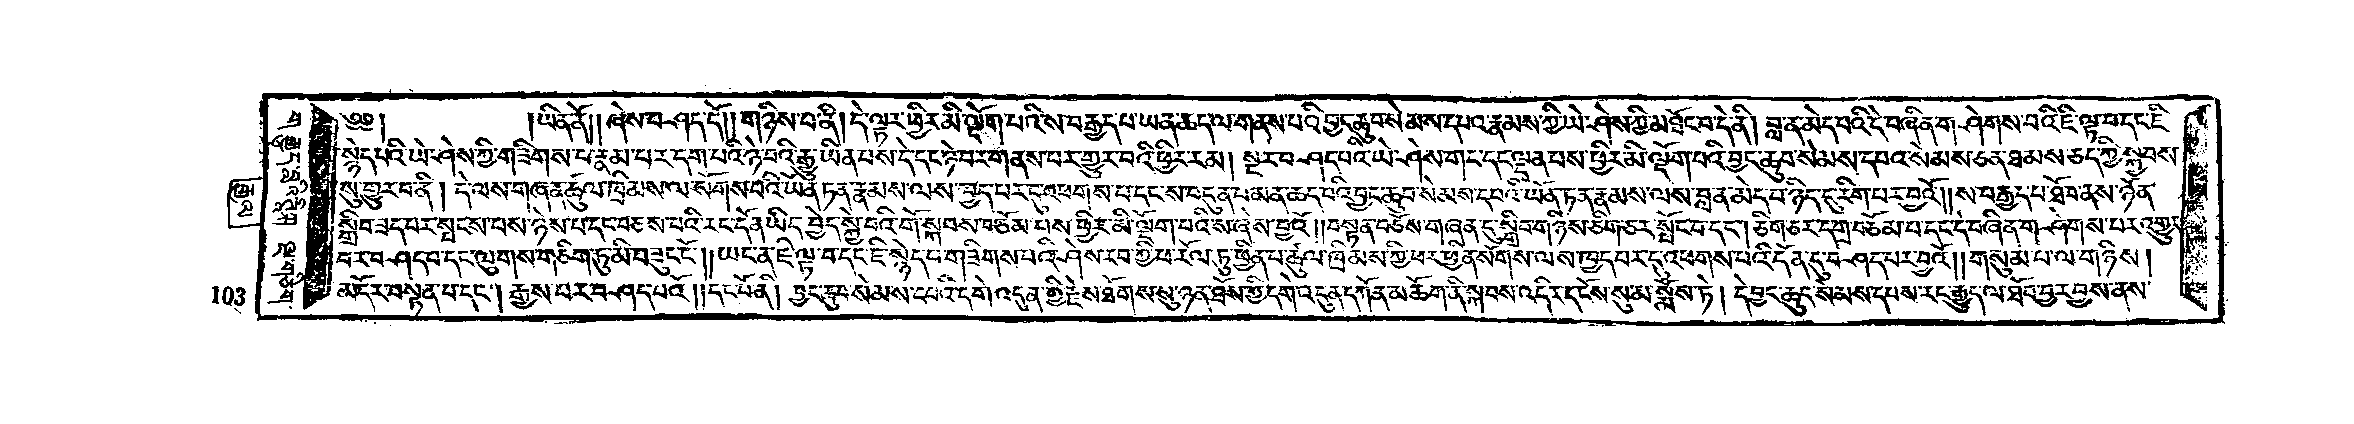༄༅། །ཡིན་ནོ། །ཞེས་བཤད་དོ། །གཉིས་པ་ནི། དེ་ལྟར་ཕྱིར་མི་ལྡོག་པའི་ས་བརྒྱད་པ་ཡན་ཆད་ལ་གནས་པའི་བྱང་ཆུབ་སེམས་དཔའ་རྣམས་ཀྱི་ཡེ་ཤེས་ཀྱི་མཐོང་བ་དེ་ནི། བླ་ན་མེད་པའི་དེ་བཞིན་གཤེགས་པའི་ཇི་ལྟ་བ་དང་ཇི་
སྙེད་པའི་ཡེ་ཤེས་ཀྱི་གཟིགས་པ་རྣམ་པར་དག་པའི་ཉེ་བའི་རྒྱུ་ཡིན་པས་དེ་དང་ཉེ་བར་གནས་པར་གྱུར་པའི་ཕྱིར་རམ། སྔར་བཤད་པའི་ཡེ་ཤེས་གང་དང་ལྡན་པས་ཕྱིར་མི་ལྡོག་པའི་བྱང་ཆུབ་སེམས་དཔའ་སེམས་ཅན་ཐམས་ཅད་ཀྱི་སྐྱབས་
སུ་གྱུར་པ་ནི། དེ་ལས་གཞན་ཚུལ་ཁྲིམས་ལ་སོགས་པའི་ཡོན་ཏན་རྣམས་ལས་ཁྱད་པར་དུ་འཕགས་པ་དང་ས་བདུན་པ་མན་ཆད་པའི་བྱང་ཆུབ་སེམས་དཔའི་ཡོན་ཏན་རྣམས་ལས་བླ་ན་མེད་པ་ཉིད་དུ་རིག་པར་བྱའོ། །ས་བརྒྱད་པ་ཐོབ་ནས་ཉོན་
སྒྲིབ་ཟད་པར་སྤངས་པས་ཉེས་པ་དང་བཅས་པའི་རང་དོན་ཡིད་བྱེད་སྐྱེ་བའི་གོ་སྐབས་བཅོམ་པས་ཕྱིར་མི་ལྡོག་པའི་ས་ཞེས་བྱའོ། །བསྟན་བཅོས་གཞན་དུ་སྒྲིབ་གཉིས་ཅིག་ཅར་སྤོང་བ་དང་། ཅིག་ཅར་དགྲ་བཅོམ་པ་དང་དེ་བཞིན་གཤེགས་པར་འགྱུར་
བར་བཤད་པ་དང་ལུགས་གཅིག་ཏུ་མི་བཟུང་ངོ། །ཡང་ན་ཇི་ལྟ་བ་དང་ཇི་སྙེད་པ་གཟིགས་པའི་ཤེས་རབ་ཀྱི་ཕ་རོལ་ཏུ་ཕྱིན་པ་ཚུལ་ཁྲིམས་ཀྱི་ཕར་ཕྱིན་སོགས་ལས་ཁྱད་པར་དུ་འཕགས་པའི་དོན་དུ་བཤད་པར་བྱའོ། །གསུམ་པ་ལ་གཉིས།
མདོར་བསྟན་པ་དང་། རྒྱས་པར་བཤད་པའོ། །དང་པོ་ནི། བྱང་ཆུབ་སེམས་དཔའི་དགེ་འདུན་གྱི་རྗེས་ཐོགས་སུ་ཉན་ཐོས་ཀྱི་དགེ་འདུན་དཀོན་མཆོག་ནི་སྐབས་འདིར་དངོས་སུ་མ་སྨོས་ཏེ། དེ་བྱང་ཆུབ་སེམས་དཔས་རང་རྒྱུད་ལ་ཐོབ་བྱར་བྱས་ནས་